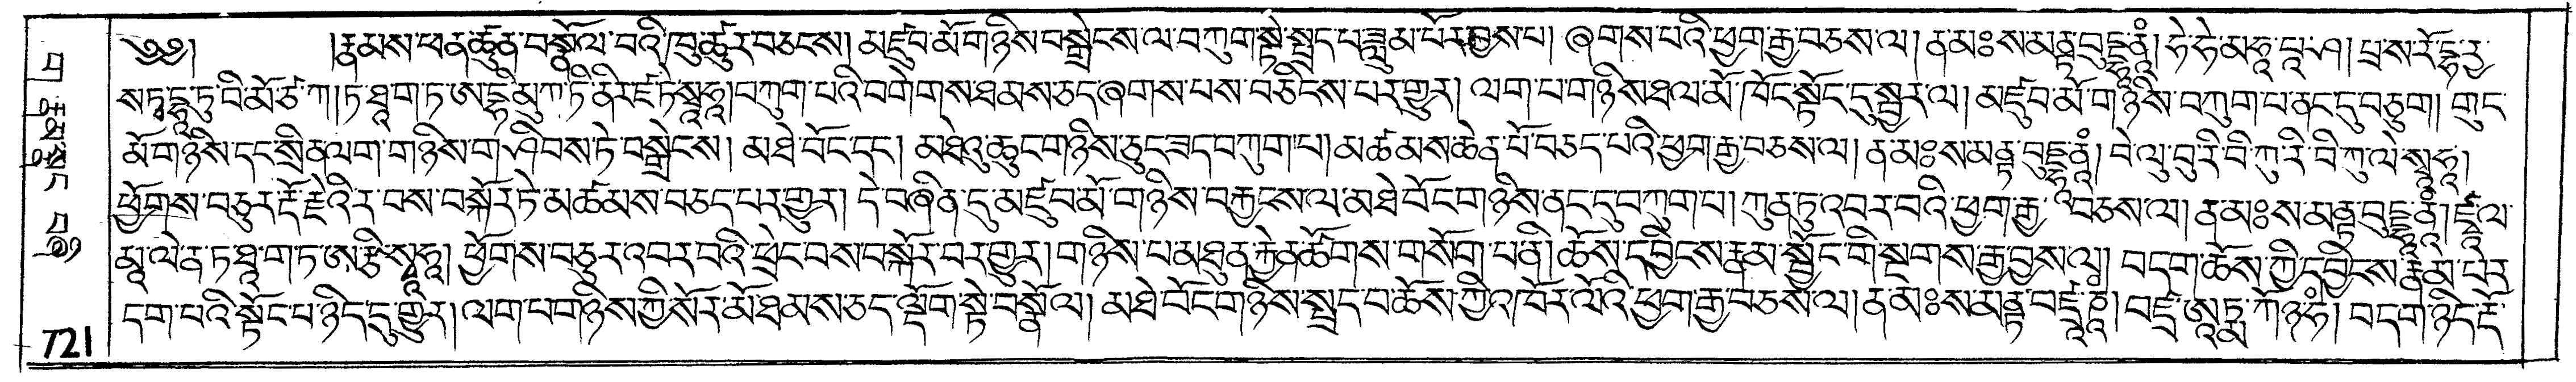༄༅། །རྣམས་ཕན་ཚུན་བསྣོལ་བའི་ཁུ་ཚུར་བཅངས། མཛུབ་མོ་གཉིས་བསྒྲེངས་ལ་བཀུག་སྟེ་སྤྲད་པ་ཟླུམ་པོར་བྱས་པ། ཞགས་པའི་ཕྱག་རྒྱ་བཅས་ལ། ན་མཿ ས་མནྟ་བུདྡྷཱ་ནཱཾ། ཧེ་ཧེ་མཧཱ་པཱ་ཤ། པྲ་ས་རོ་དྷ་རྱ་
སཏྭ་དྷཱ་ཏུ་བི་མོ་ཙ་ཀ། ཏ་ཐཱ་ག་ཏ་ཨ་དྷི་མུ་ཀ་ཏི་ནིར་ཛ་ཏེ་སྭཱཧཱ། བཀུག་པའི་བགེགས་ཐམས་ཅད་ཞགས་པས་བཅིངས་པར་གྱུར། ལག་པ་གཉིས་ཐལ་མོ་ཁོང་སྟོང་དུ་སྦྱར་ལ། མཛུབ་མོ་གཉིས་བཀུག་པ་ནང་དུ་བཅུག །གུང་
མོ་གཉིས་དང་སྲིན་ལག་གཉིས་གཤིབས་ཏེ་བསྒྲེངས། མཐེ་བོང་དང་། མཐེའུ་ཆུང་གཉིས་ཅུང་ཟད་བཀུག་པ། མཚམས་ཆེན་པོ་བཅད་པའི་ཕྱག་རྒྱ་བཅས་ལ། ན་མཿ ས་མནྟ་བུདྡྷཱ་ནཱཾ། བེ་ལུ་བུ་རི་བི་ཀུ་རི་བི་ཀུ་ལེ་སྭཱཧཱ།
ཕྱོགས་བཅུར་རྡོ་རྗེའི་ར་བས་བསྐོར་ཏེ་མཚམས་བཅད་པར་གྱུར། དེ་བཞིན་དུ་མཛུབ་མོ་གཉིས་བརྐྱངས་ལ་མཐེ་བོང་གཉིས་ནང་དུ་བཀུག་པ། ཀུན་ཏུ་འབར་བའི་ཕྱག་རྒྱ་བཅས་ལ། ན་མཿ ས་མནྟ་བུདྡྷཱ་ནཱཾ། ཛྭཱ་ལ་
མཱ་ལེ་ན་ཏ་ཐཱ་ག་ཏ་ཨ་རྩི་སྭཱཧཱ། ཕྱོགས་བཅུར་འབར་བའི་ཕྲེང་བས་བསྐོར་བར་གྱུར། གཉིས་པ་མཐུན་རྐྱེན་ཚོགས་གསོག་པ་ནི། ཆོས་དབྱིངས་རྣམ་སྦྱོང་གི་སྔགས་རྒྱ་བྱས་ལ། བདག་ཆོས་ཀྱི་དབྱིངས་རྣམ་པར་
དག་པའི་སྟོང་པ་ཉིད་དུ་གྱུར། ལག་པ་གཉིས་ཀྱི་སོར་མོ་ཐམས་ཅད་ལྡོག་སྟེ་བསྣོལ། མཐེ་བོང་གཉིས་སྤྲད་པ་ཆོས་ཀྱི་འཁོར་ལོའི་ཕྱག་རྒྱ་བཅས་ལ། ན་མཿ ས་མནྟ་བཛྲཱ་ཎཱཾ། བཛྲ་ཨཱཏྨ་ཀོཉ་ཧཾ། བདག་ཉིད་རྡོ་